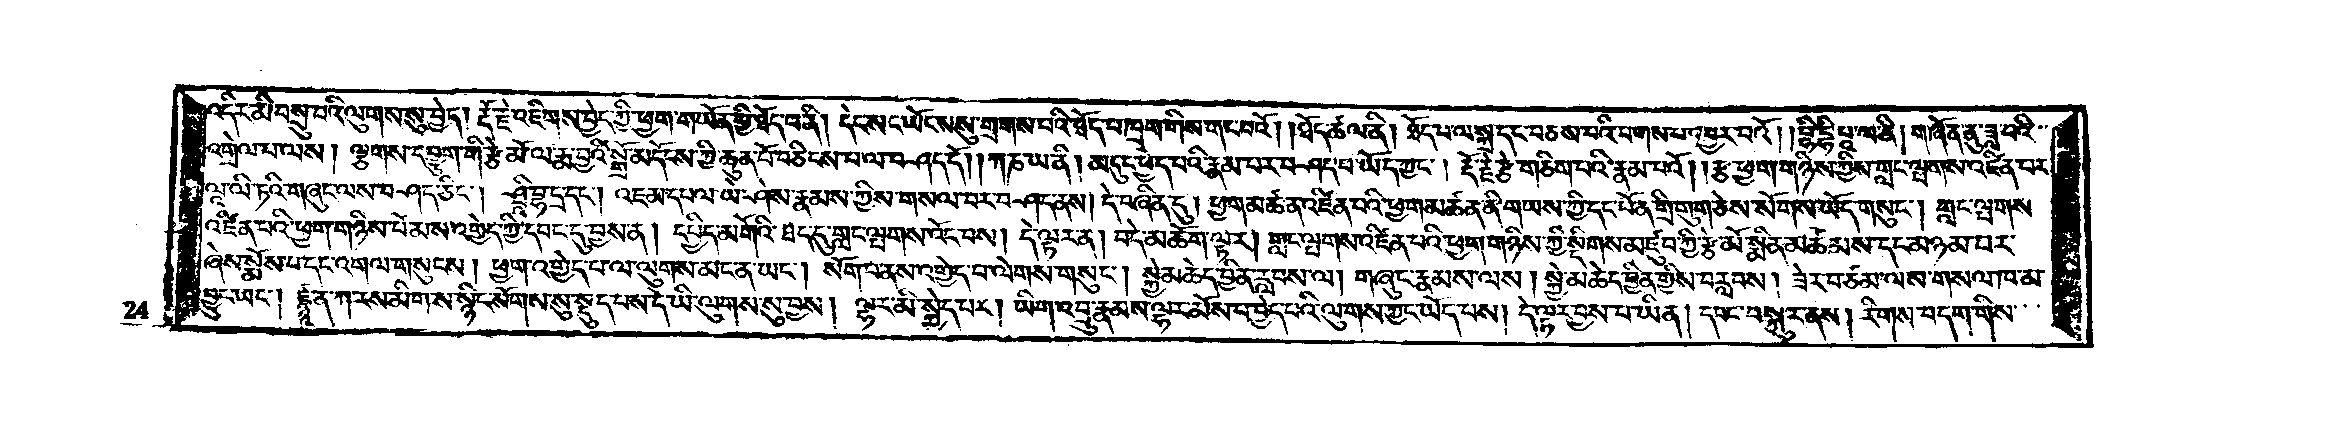འདིར་མི་བསྲུ་བའི་ལུགས་སུ་བྱེད། རྡོ་རྗེ་འཇིགས་བྱེད་ཀྱི་ཕྱག་གཡོན་གྱི་ཐོད་པ་ནི། དེང་སང་ཡོངས་སུ་གྲགས་པའི་ཐོད་པ་ཁྲག་གིས་གང་བའོ། །ཐོད་ཚལ་ནི། ཐོད་པ་ལ་སྐྲ་དང་བཅས་པའི་པགས་པ་འབྱར་བའོ། །བྷི་དྷི་པཱ་ལ་ནི། གཞོན་ནུ་ཟླ་བའི་
འགྲེལ་པ་ལས། ལྕགས་དབྱུག་གི་རྩེ་མོ་ལ་རྨ་བྱའི་སྒྲོ་མདོངས་ཀྱི་ཆུན་པོ་བཅིངས་པ་ལ་བཤད་དོ། །ཀ་ཎ་ཡ་ནི། མདུང་ཕྱེད་པའི་རྣམ་པར་བཤད་པ་ཡོད་ཀྱང་། རྡོ་རྗེ་རྩེ་གཅིག་པའི་རྣམ་པའོ། །རྩ་ཕྱག་གཉིས་ཀྱིས་གླང་ལྤགས་འཛིན་པར་
ལཱ་ལི་ཏའི་གཞུང་ལས་བཤད་ཅིང་། ཤྲཱི་བྷ་དྲ་དང་། འཇམ་དཔལ་ཡེ་ཤེས་རྣམས་ཀྱིས་གསལ་བར་བཤད་ནས། དེ་བཞིན་དུ། ཕྱག་མཚན་འཛིན་པའི་ཕྱག་མཚན་ནི་གཡས་ཀྱི་དང་པོ་ན་གྲི་གུག་ཅེས་སོགས་ཡོད་གསུང་། གླང་ལྤགས་
འཛིན་པའི་ཕྱག་གཉིས་པོ་མས་འགྱེད་ཀྱི་དབང་དུ་བྱས་ན། དཔྱིད་མགོའི་ཐད་དུ་གླང་ལྤགས་འོང་བས། དེ་ལྟར་ན། བདེ་མཆོག་ལྟར། གླང་ལྤགས་འཛིན་པའི་ཕྱག་གཉིས་ཀྱི་སྡིགས་མཛུབ་ཀྱི་རྩེ་མོ་སྨིན་མཚམས་དང་མཉམ་པར་
ཞེས་སྨོས་པ་དང་འགལ་གསུངས། ཕྱག་འགྱེད་པ་ལ་ལུགས་མང་ན་ཡང་། སོག་པ་ནས་འགྱེད་པ་ལེགས་གསུང་། སྐྱེ་མཆེད་བྱིན་རླབས་ལ། གཞུང་རྣམས་ལས། སྐྱེ་མཆེད་བྱིན་གྱིས་བརླབས། ཟེར་བ་ཙམ་ལས་གསལ་ཁ་མ་
བྱུང་ཡང་། ཛྙཱ་ན་ཀ་རས་མིག་ས་སྙིང་སོགས་སུ་སྡུད་པས་དེ་ཡི་ལུགས་སུ་བྱས། ལྷར་མི་སྐྱེད་པར། ཡིག་འབྲུ་རྣམས་ལྷར་མོས་པ་བྱེད་པའི་ལུགས་ཀྱང་ཡོད་པས། དེ་ལྟར་བྱས་པ་ཡིན། དབང་བསྐུར་ནས། རིགས་བདག་གིས་